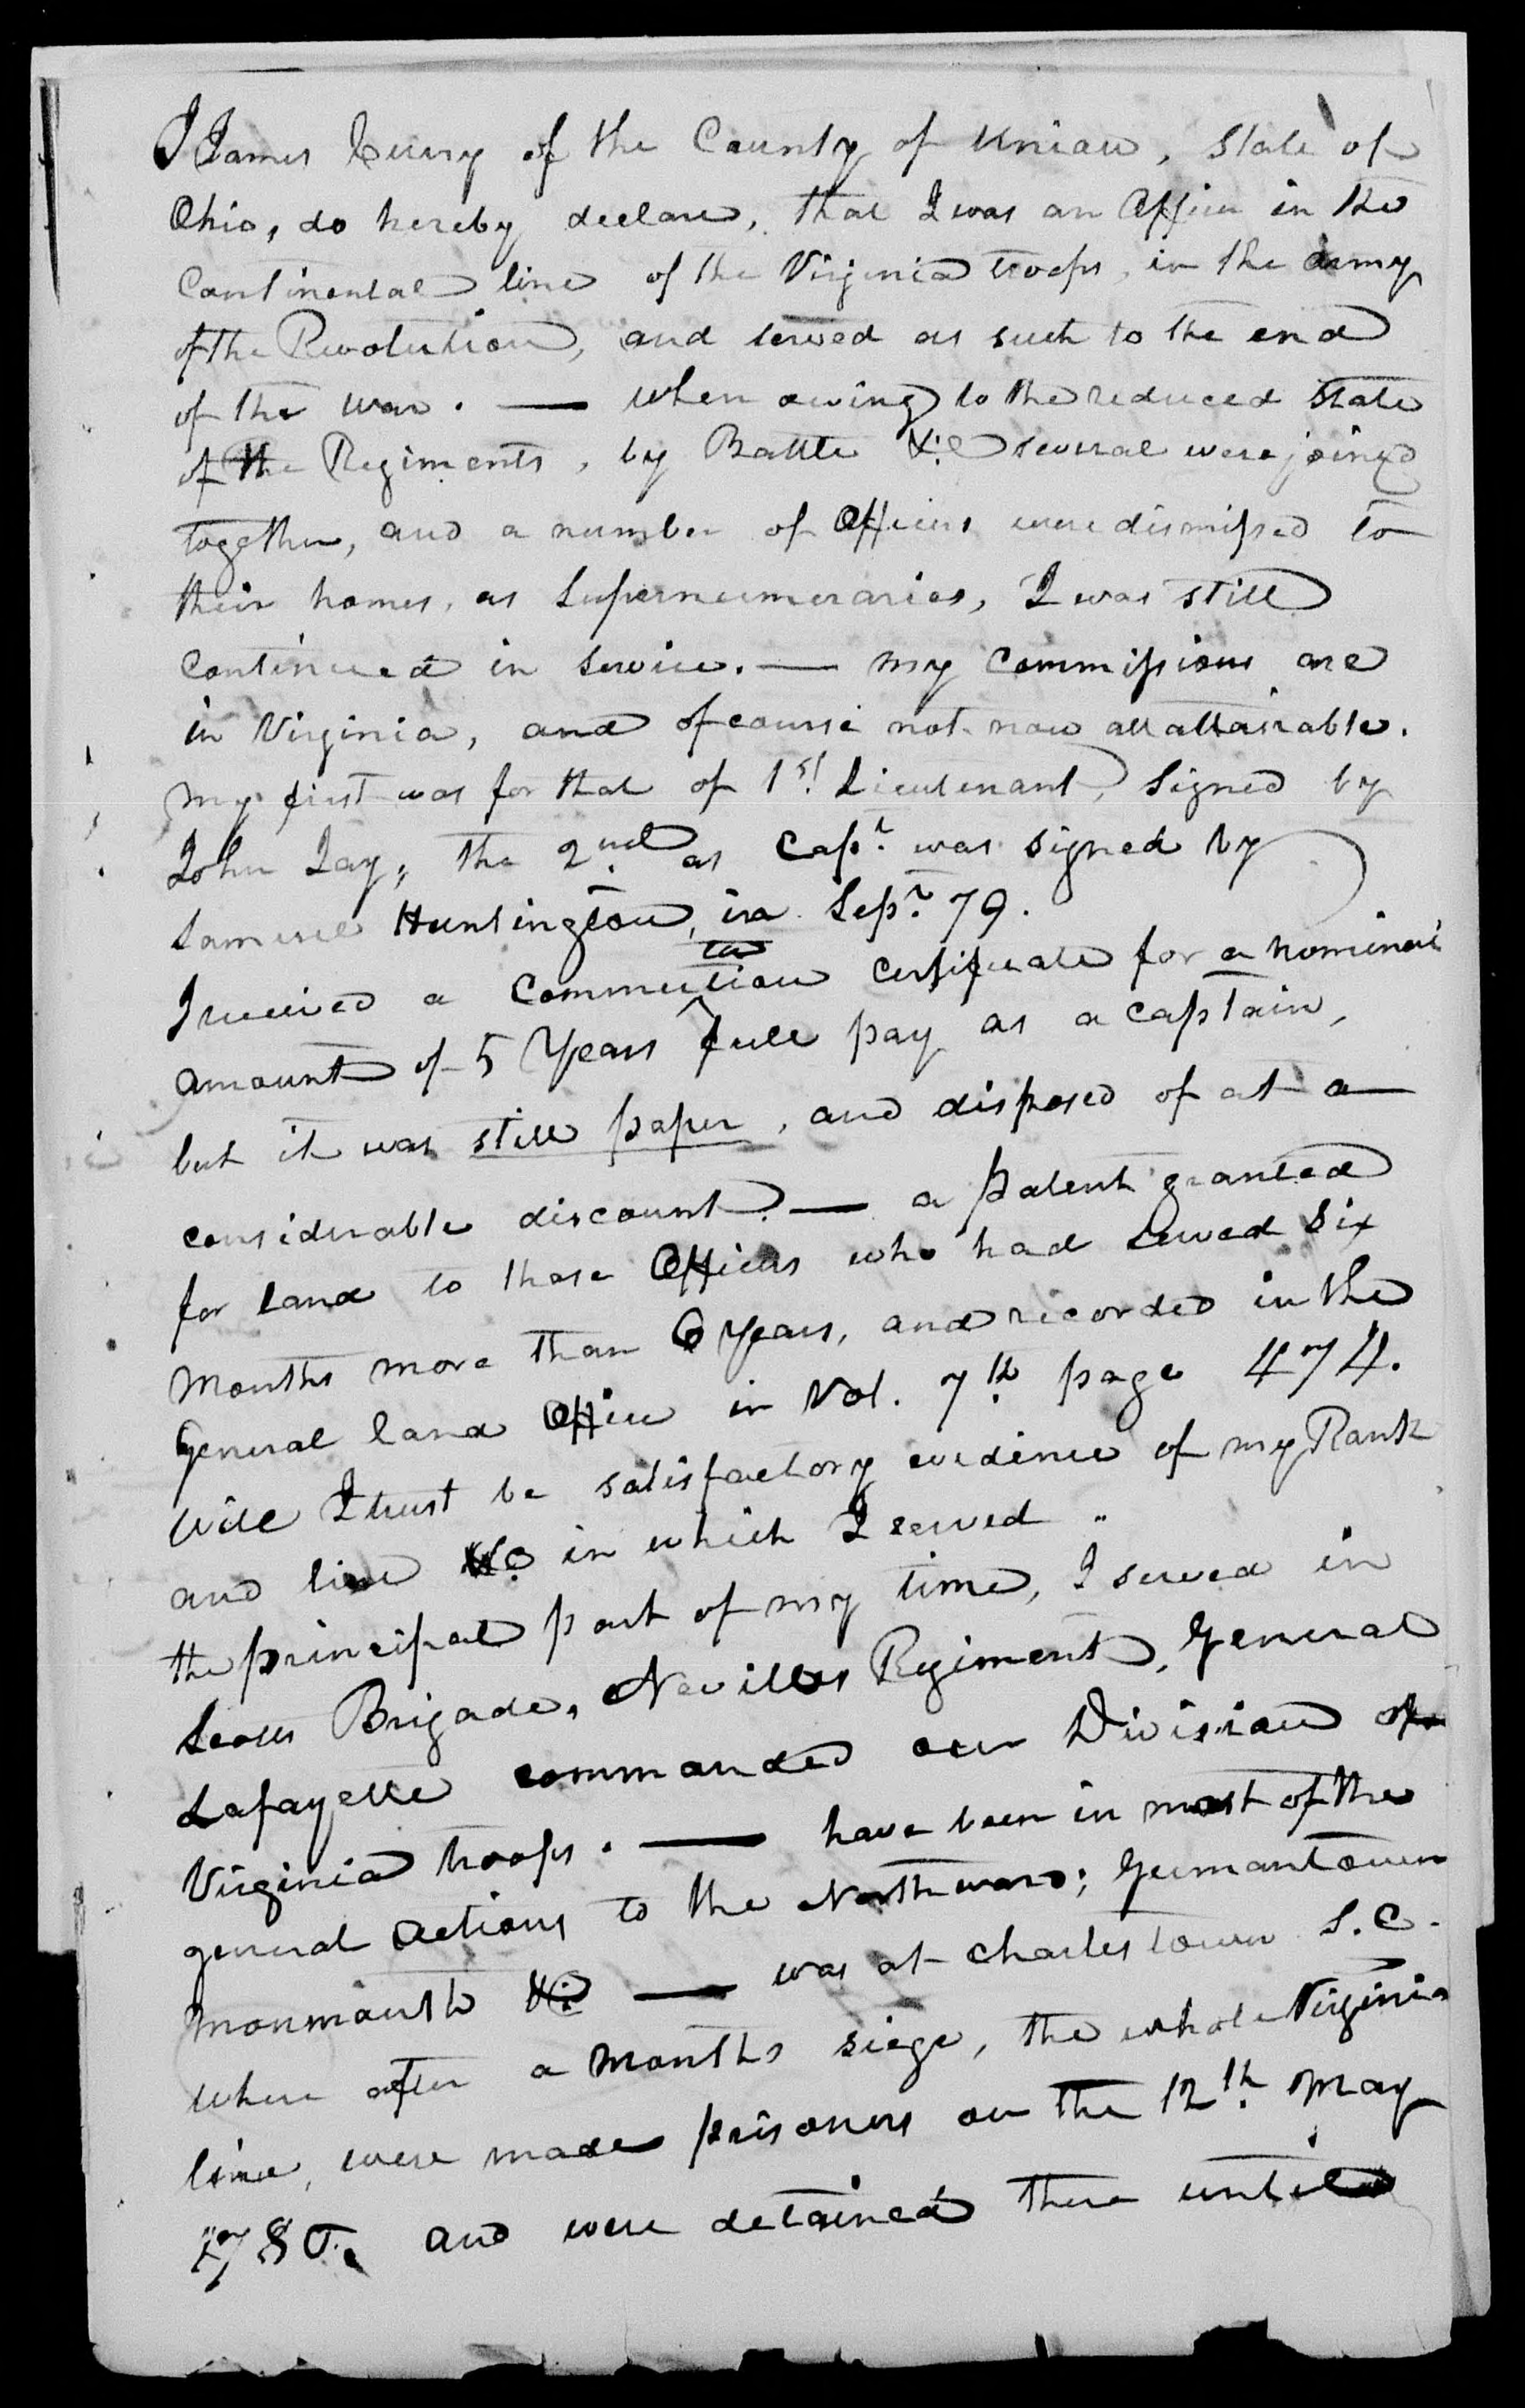I James Curry of the County of Union, State of
Ohio, do hereby declare, that I was an Officer in the
Continental line of the Virginia troops, in the army
of the Revolution, and served as such to the end
of the war. -- When owing to the reduced state of the Regiments, by Battle & several were joined
together, and a number of Officers were dismissed to
their homes, as supernumeraries, I was still
continued in service.-- My commissions, are 
in Virginia, and of course not now all attainable.
my first was for that of 1st Lieutenant, signed by
John Jay, the 2nd as Capt was signed by
Samuel Huntington in Sep. 79.
I received a Commitian certificate for a nominal
amount of 5 Years full pay as a captain, 
but it was still paper, and disposed of at a 
considerable discount - a patent granted 
for land to these Officers who had served Six
months more than 6 years, and recorded in the 
General land Office in Vol. 7th page 474.
will that be be satisfactory evidence of my Rank
and line in which I served.
the principal part of my time, I served in
[illegible] Brigade, Neville Regiment. General Lafayette commanded our Division of 
Virginia troops. - have been in most of the 
general actions to the Northward; Germantown Monmouth & - was at Charlestown S.C.
where after a months siege, the whole Virginia
line were made prisoners on the 12th May 1780 and were detained there until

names: John Jay, Lafayette, James Curry, Samuel Huntington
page: 12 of 32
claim: survivor's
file: S. 44230, James Curry, Va.